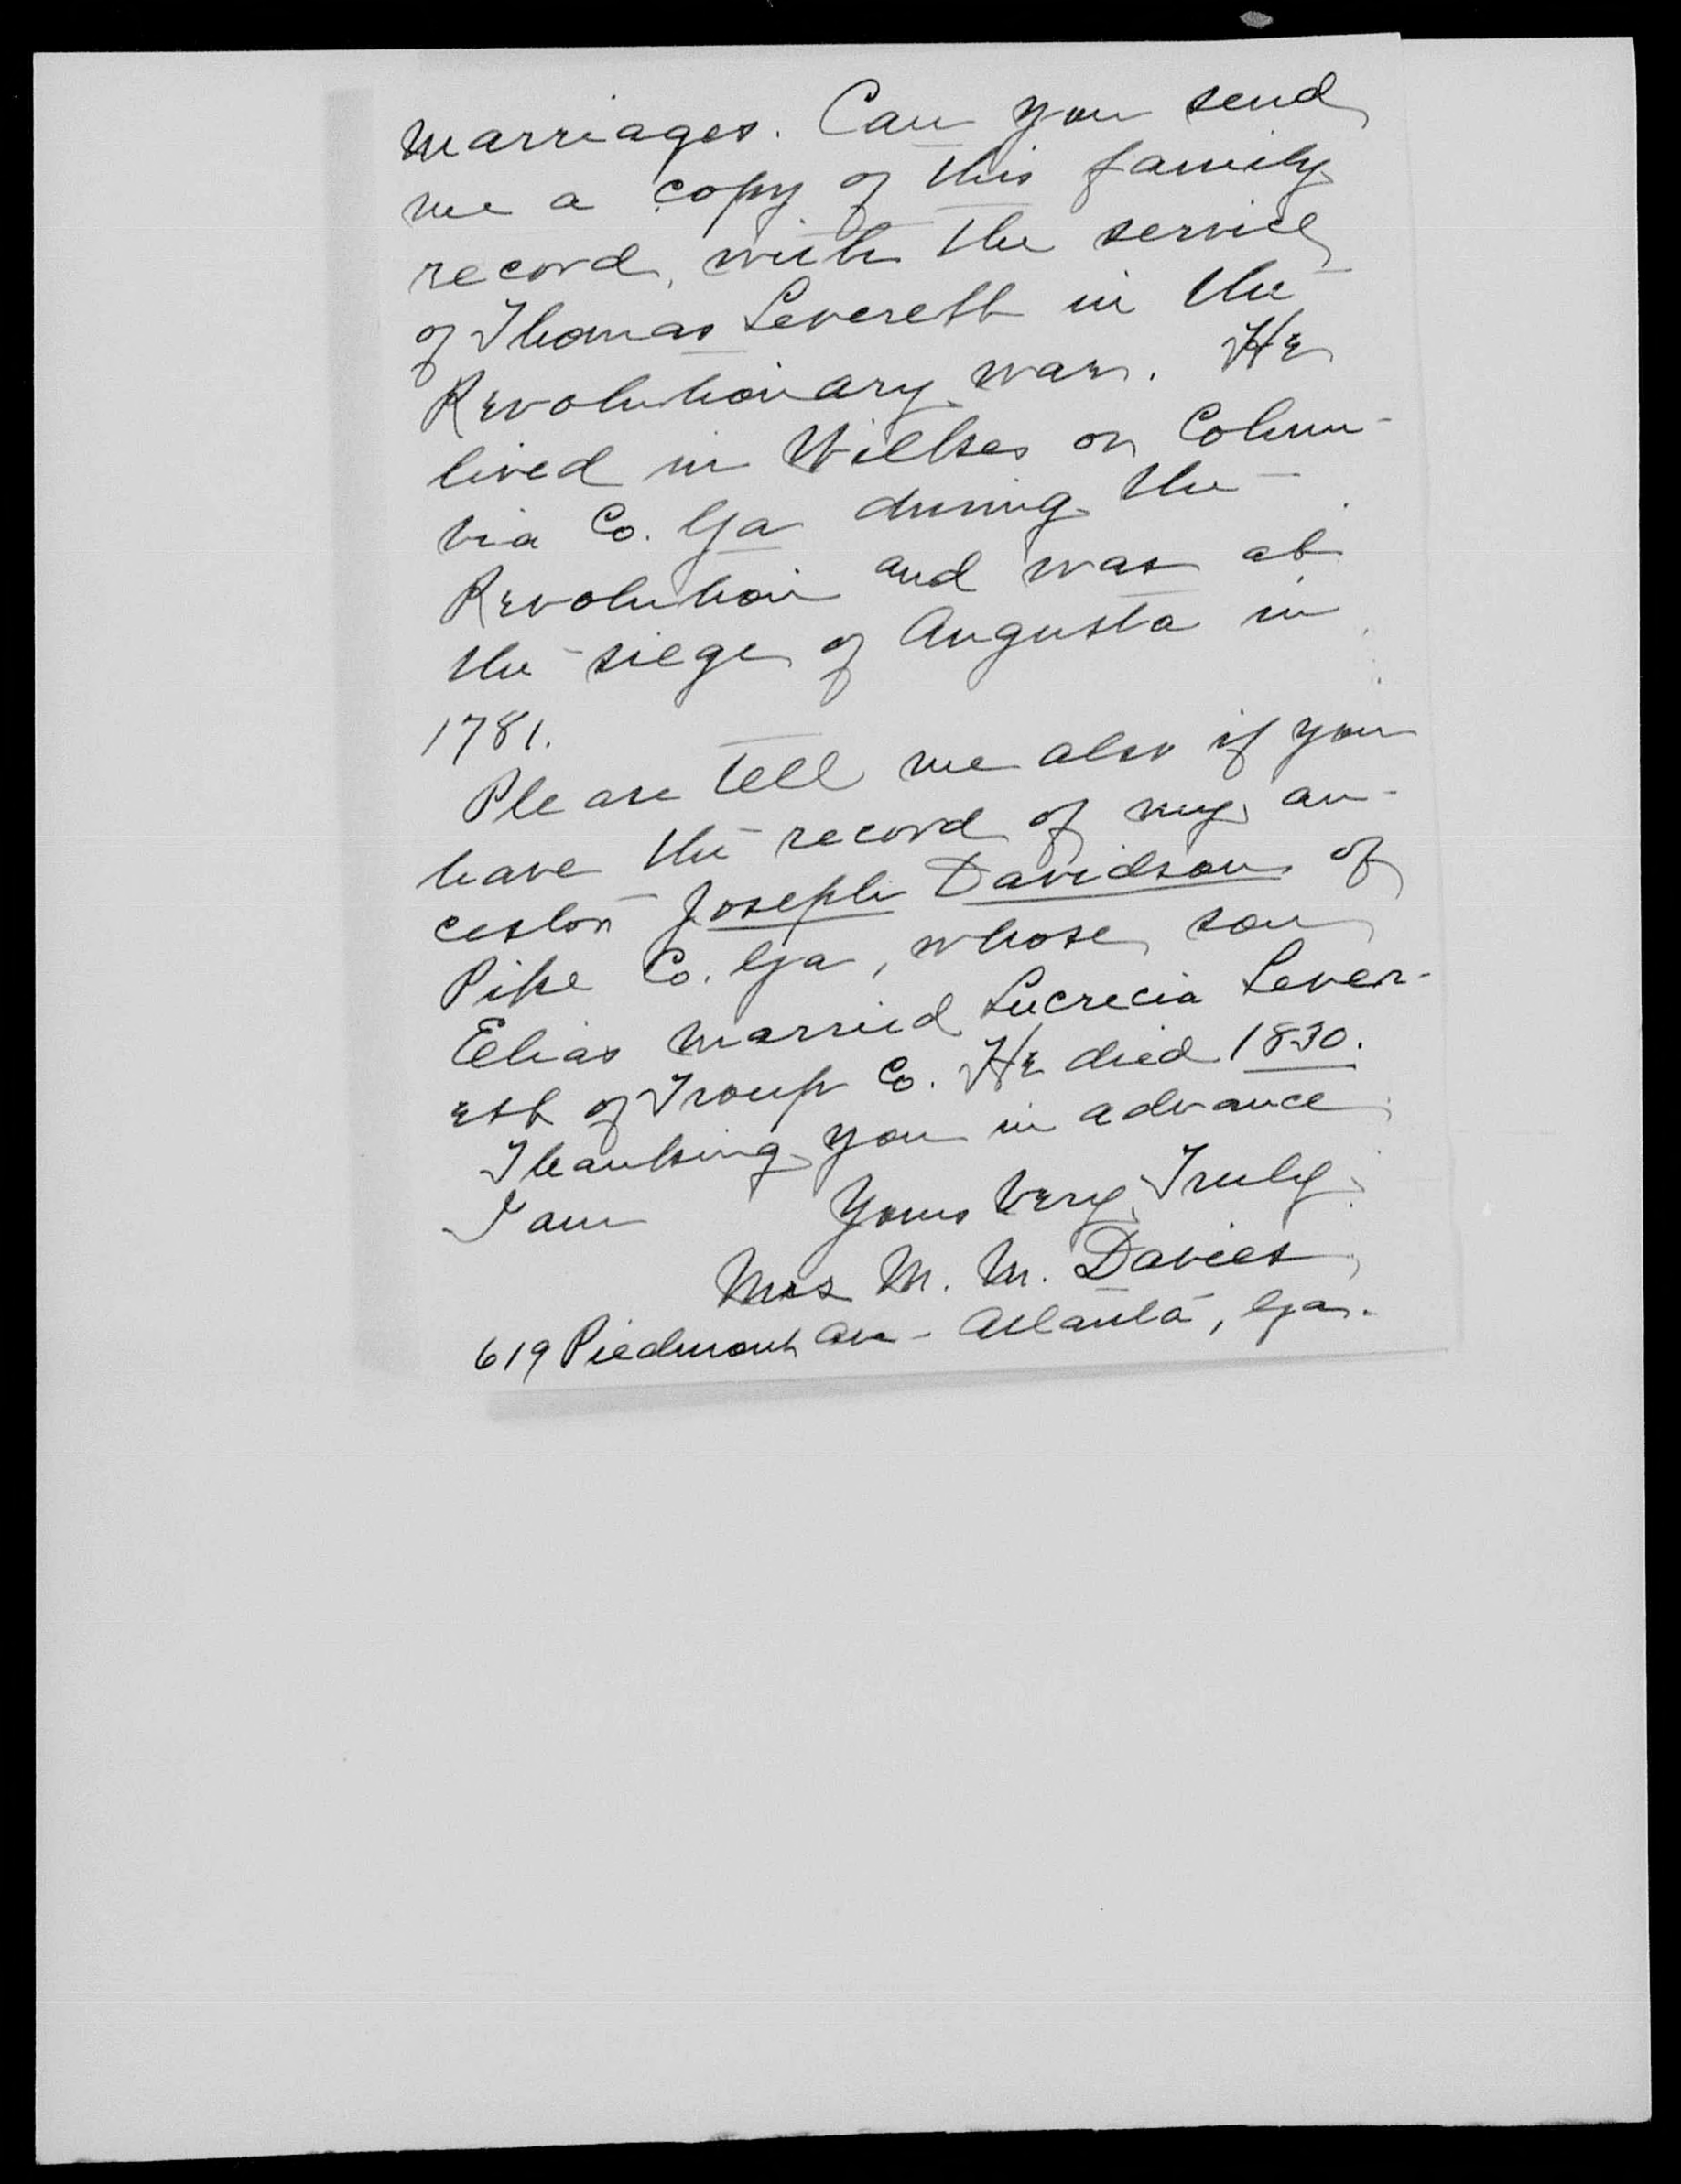Marriages. Can you send me a copy of this family record with the service of Thomas Leverett in the Revolutionary War. He lived in Wilkes or Columbia County Georgia during the
Revolution and was at the siege of Augusta in
1781.
Please tell me also if you have the record of my ancestor 
Joseph Davidson of Pike County Georgia whose son Elias Married Lucrecia Leverett of Troup County. He died 1830.
Thanking you in advance
I am
Yours very Truly
Mrs M. M. Davies
619 Piedmont Avenue, Atlanta, Georgia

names: M M Davies, Thomas Leverett, Joseph Davidson, Elias, Lucrecia Leverett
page: 53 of 63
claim: widow's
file: W. 4175, Joseph Davidson, N.C.